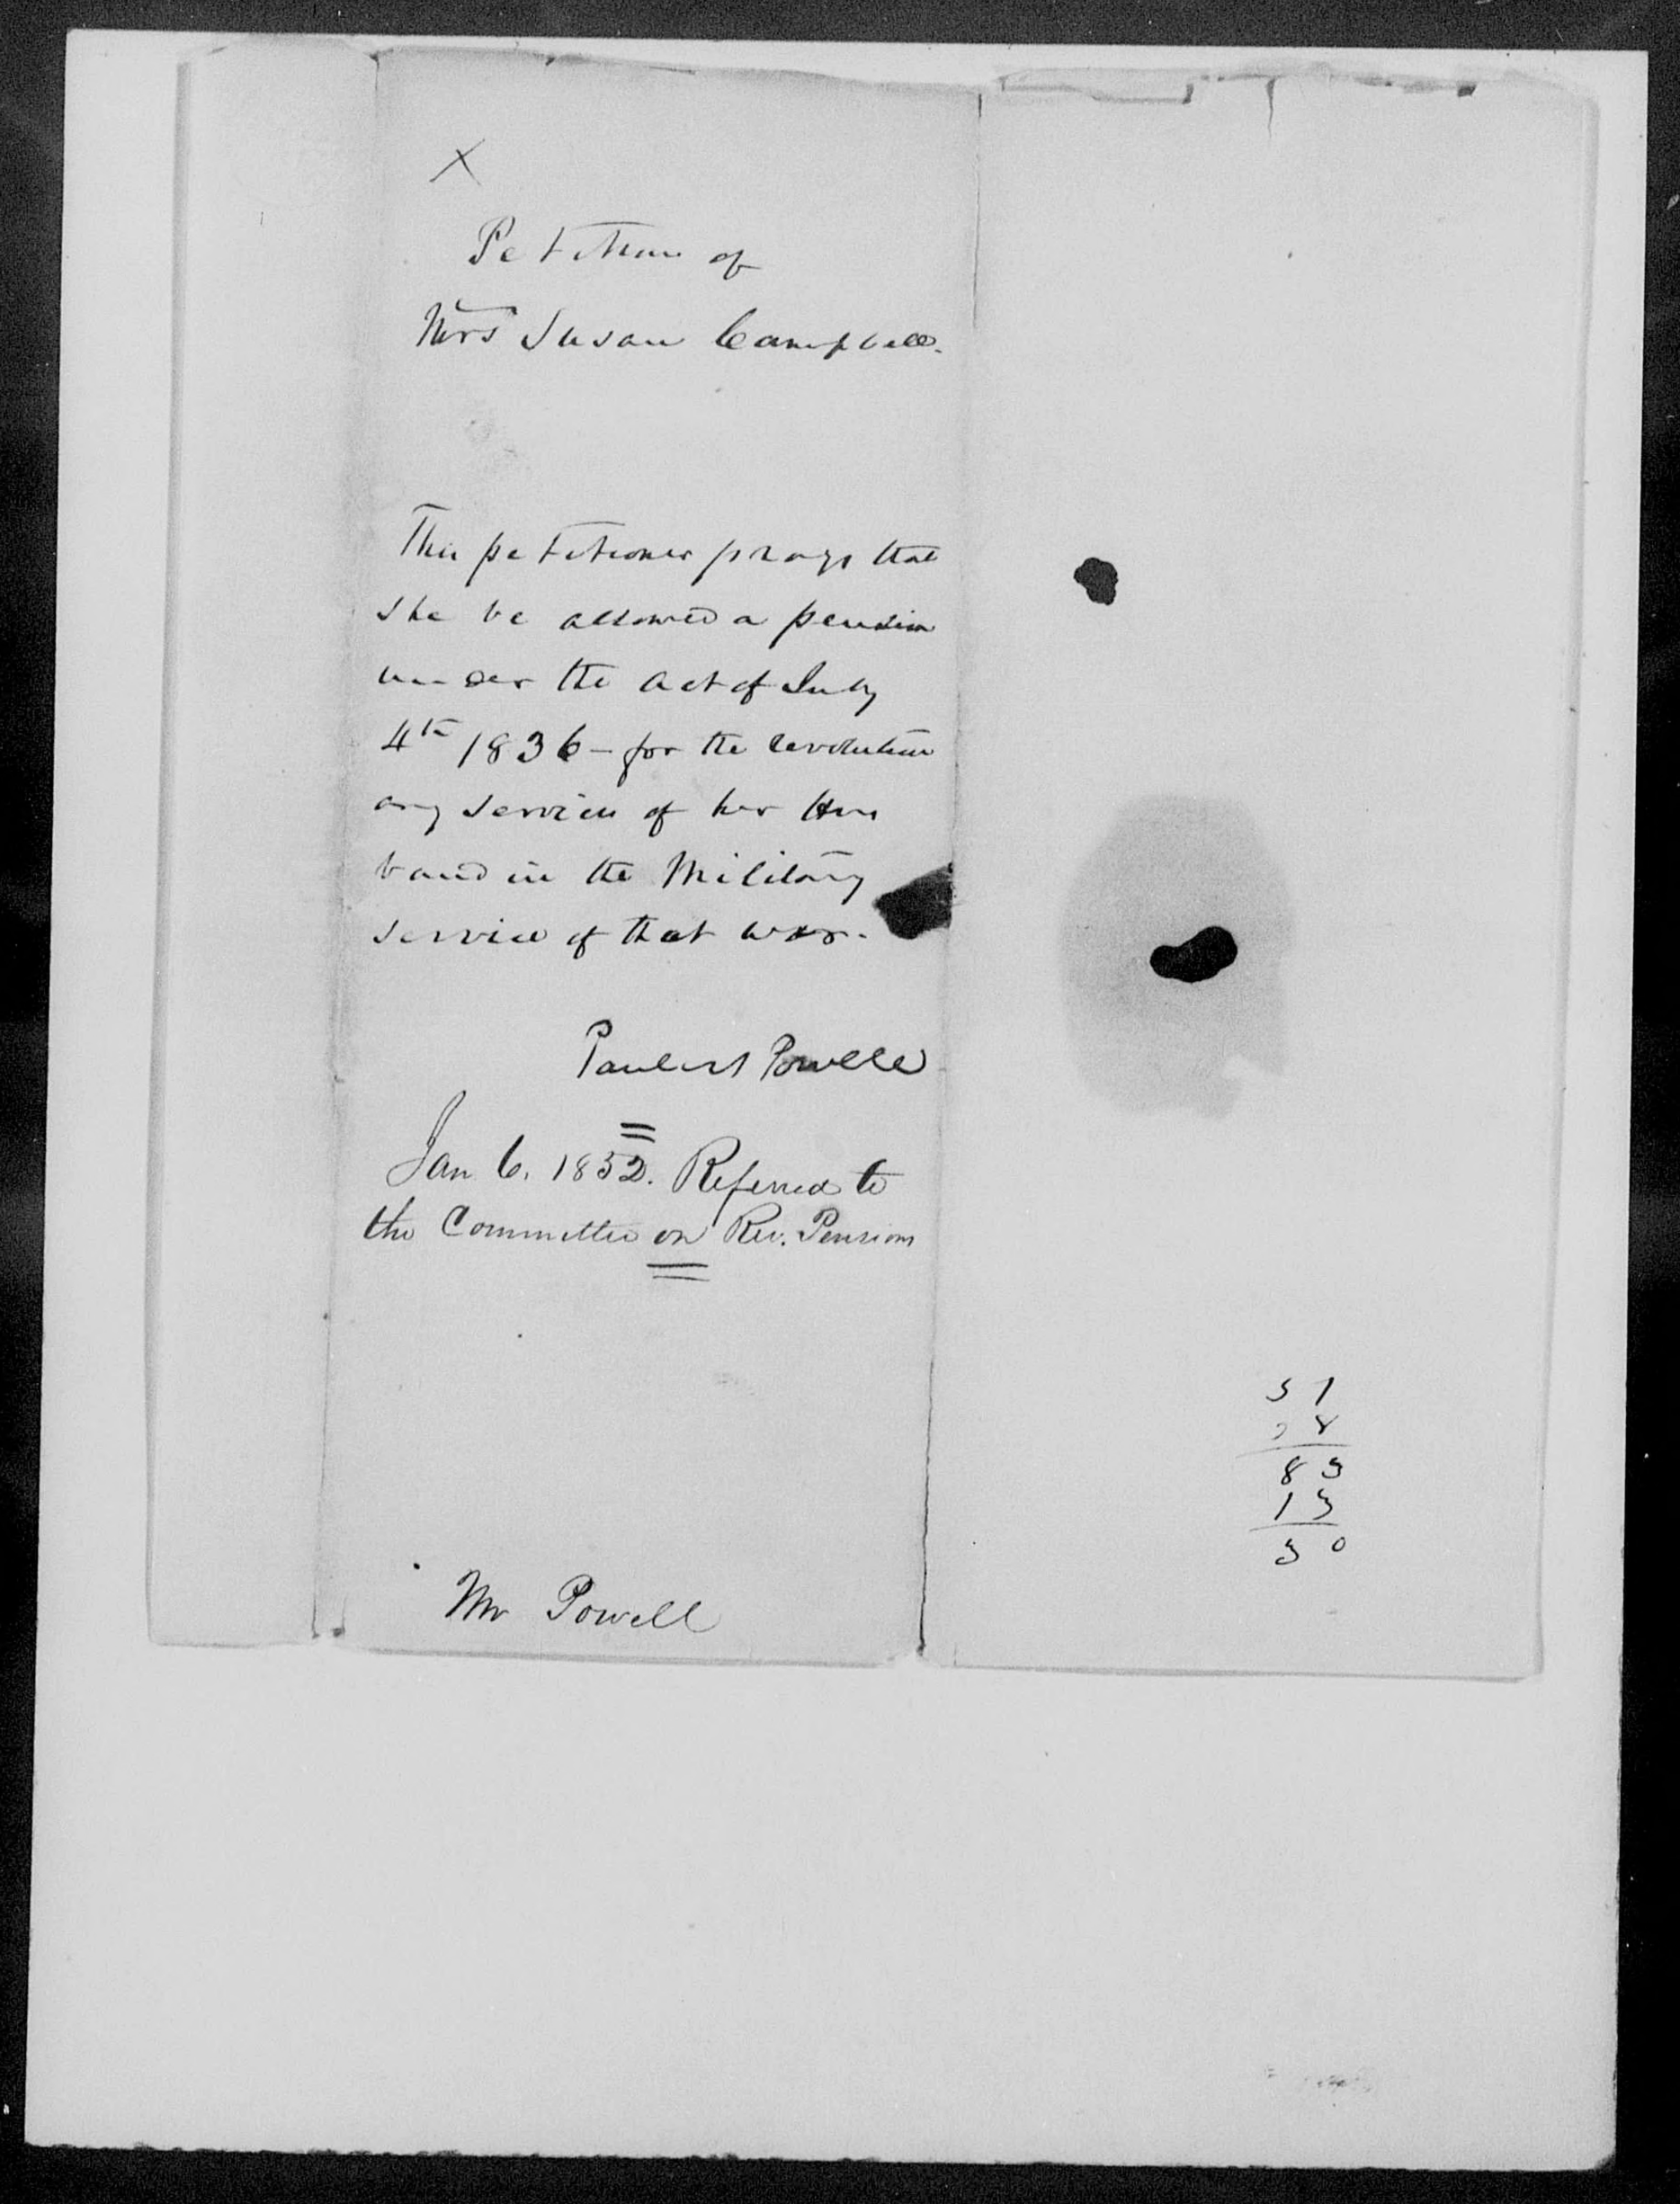X
Petition of
Mrs Susan Campbell.

This petitioner prays that she will be allowed a pension under the Act of July 4th 1836 - for the Revolutionary Services of her Husband in the Military service of that war.

Paulus Powell
=
Jan 6. 1852. Referred to the Committee on Rev. Pensions
=
Mr Powell

57
28
___
83
13
___
30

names: Powell, Susan Campbell, Paulus Powell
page: 171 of 267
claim: widow's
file: W. 4,149, William Campbell, Va.